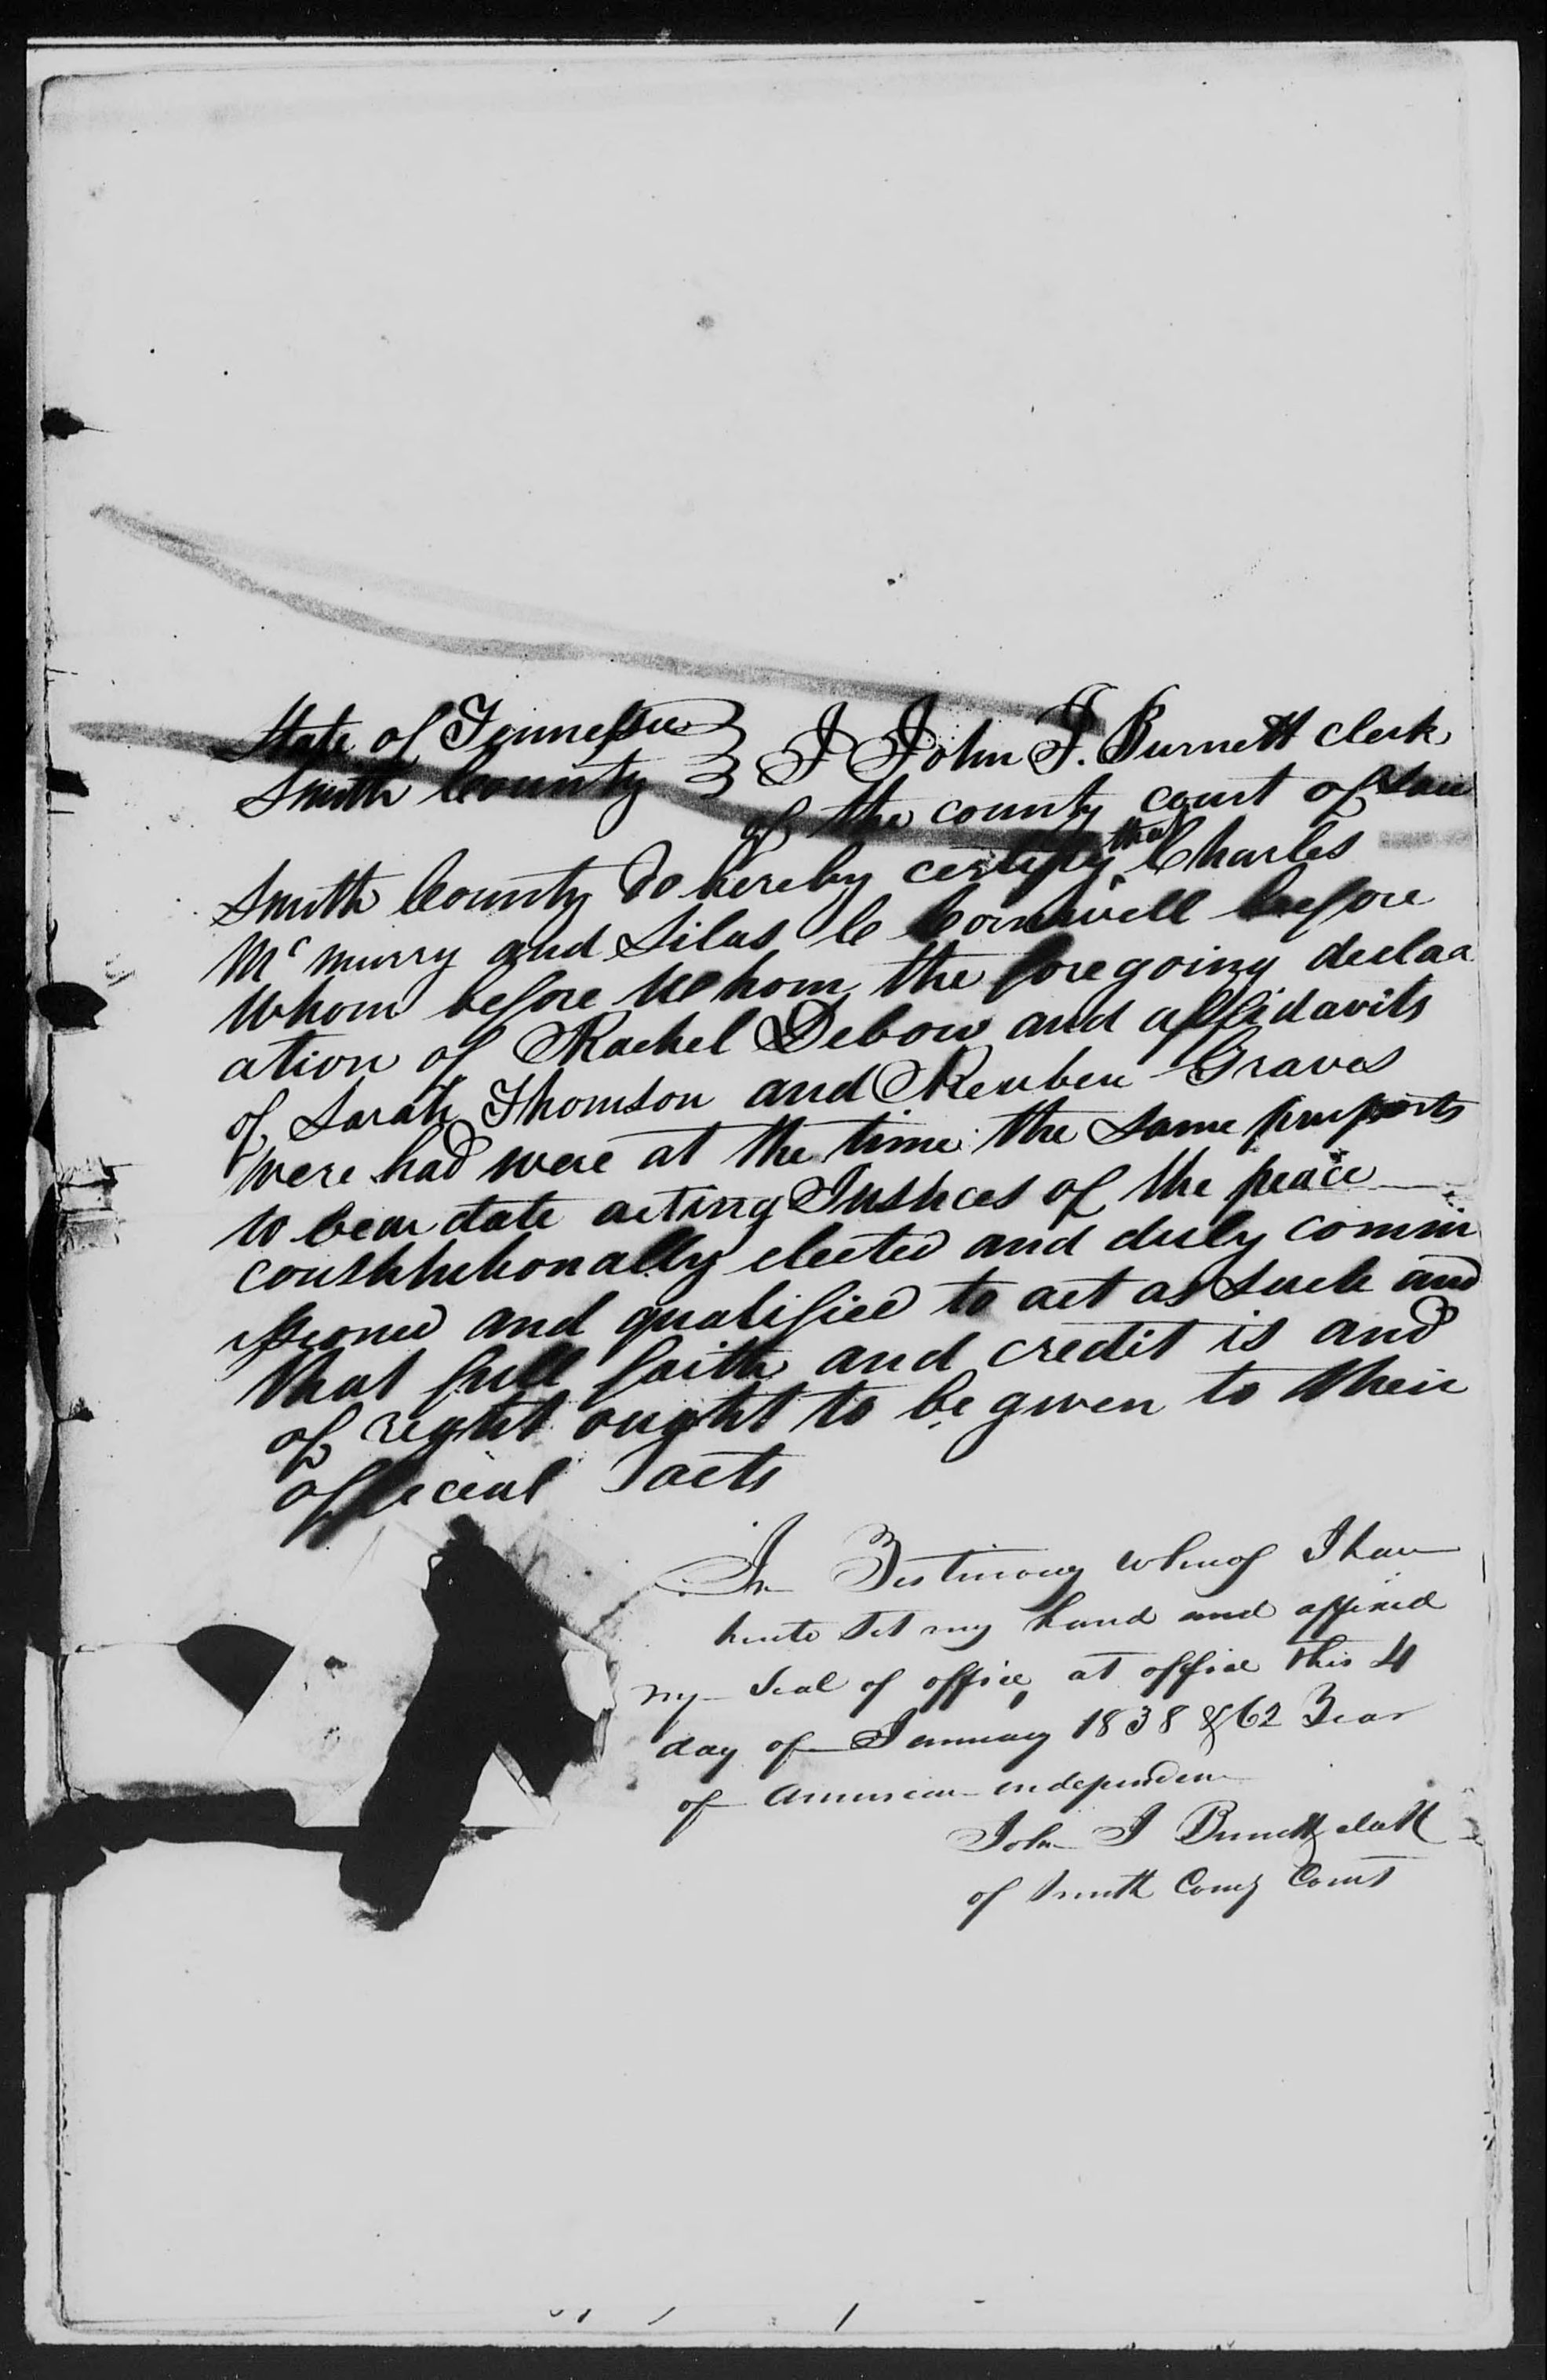State of Tennessee}
Smith County}   I JohnJ Burnett clerk of the county court of  [smudged] Smith County do hereby certify [insert] that Charles McMurry and Silas C Cornwell before whom before [illegible] the foregoring declar ation of Rachel Debow and affidavits of Sarah Thomson and Reuben Graves were had were at the time the same p[illegible] to bear date acting Justices of the peace cous[illegible] electes and duly comis[illegible] and qualified to act as such and thatfull faith and credit is andof right ought to be given to these affiant facts..
In testimony whereof I have hereto set my hand and affiant my sea of office at office this 4 day of January 1838 subscript 62 3 [illegible] of American independence
John J Burnett clerk
Of Smith County Clerk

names: Reuben Graves, Sarah Thomson, Rachel Debow, John J Bunett, Charles Mc Murry, John J Burnett, Silas C Cornwell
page: 62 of 62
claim: widow's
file: W 7005, Frederick Debow, N.C.